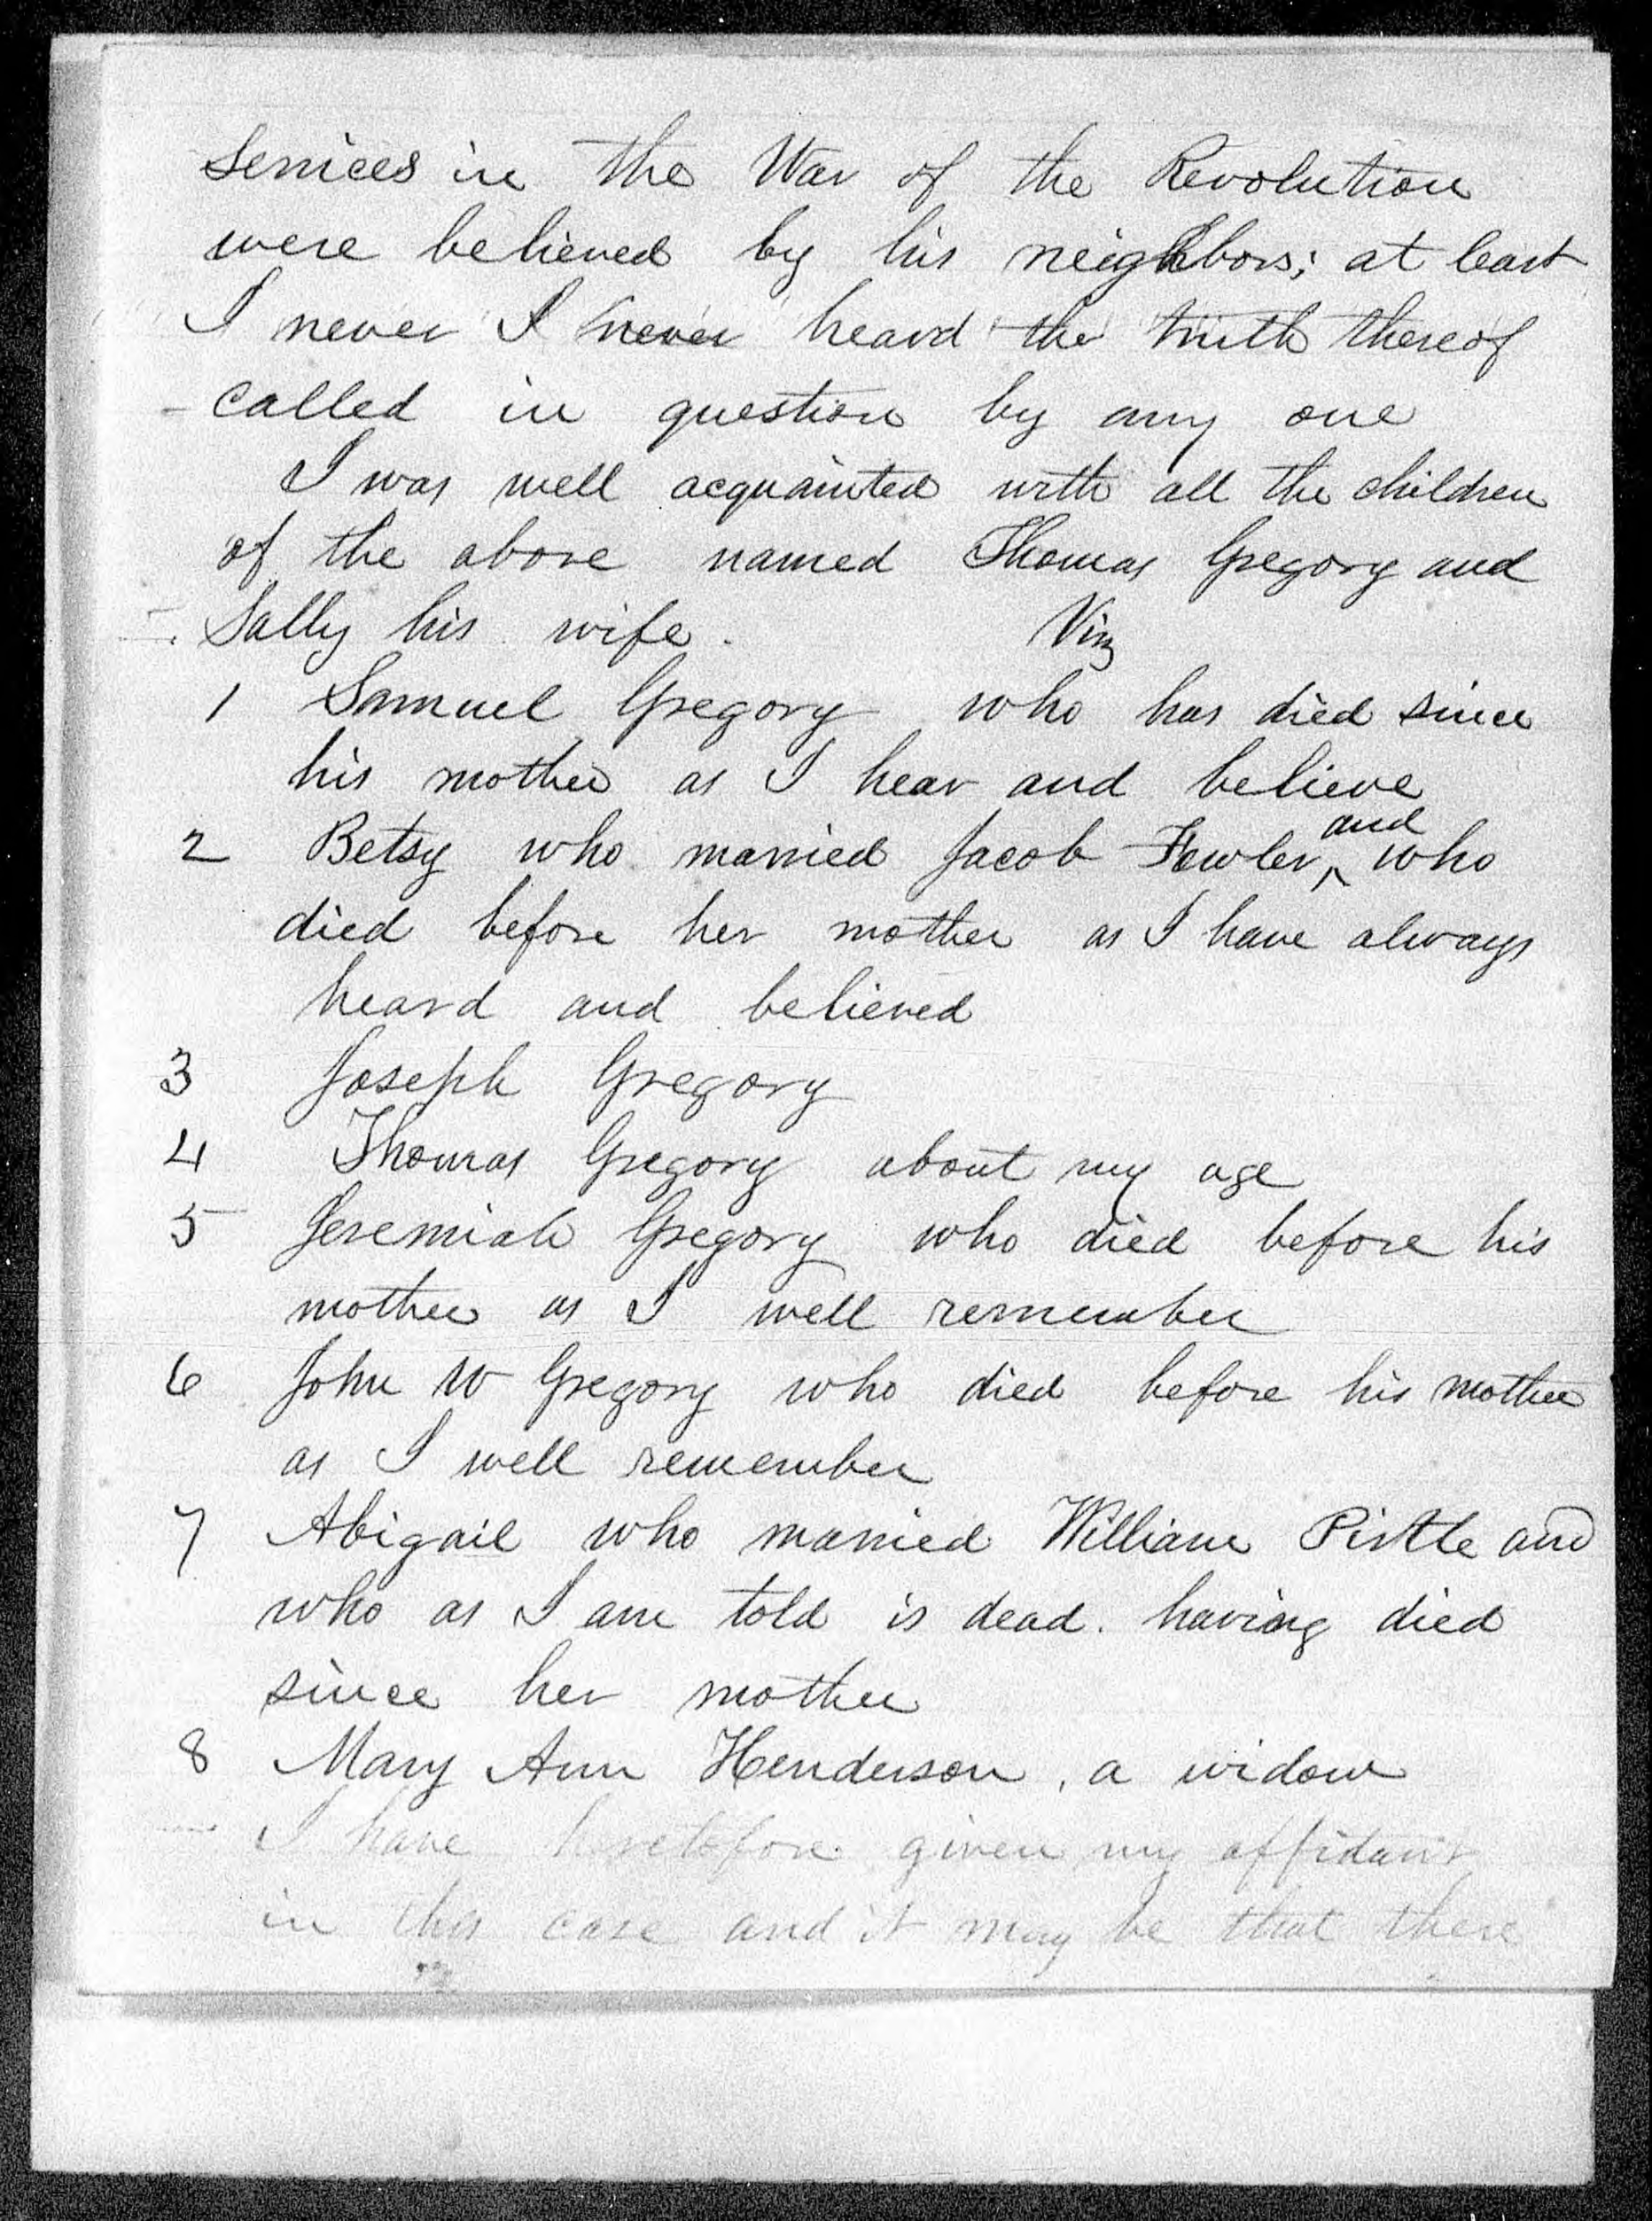Services in the War of the revolution were believed by his neighbors; at least I never  [marked out: I never] heard the truth thereof called in question by any one
I was well acquainted with all the children of the above named Thomas Gregory and Sally his wife.  Viz
1  Samuel Gregory who has died since his mother as I hear and believe
2  Betsy who married Jacob Fowler and who died before her mother as I have always heard and believed
3  Joseph Gregory
4  Thomas Gregory about my age
5  Jeremiah Gregory who died before his mother as I well remember
6  John W. Gregory who died before his mother as I well remember
7  Abigail who married William Pirtle and who as I am told is dead, having died since her mother
8  Mary Ann Henderson, a widow
I have heretofore given my affidavit in this case and it may be that there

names: Mary Ann Henderson, Thomas Gregory, Jeremiah Gregory, Joseph Gregory, Abigail, Sally, William Pirtle, Thomas Gregory, Samuel Gregory, John W Gregory, Betsy, Jacob Fowler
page: 63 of 75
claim: widow's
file: W. 8876, Thomas Gregory, Continental Va